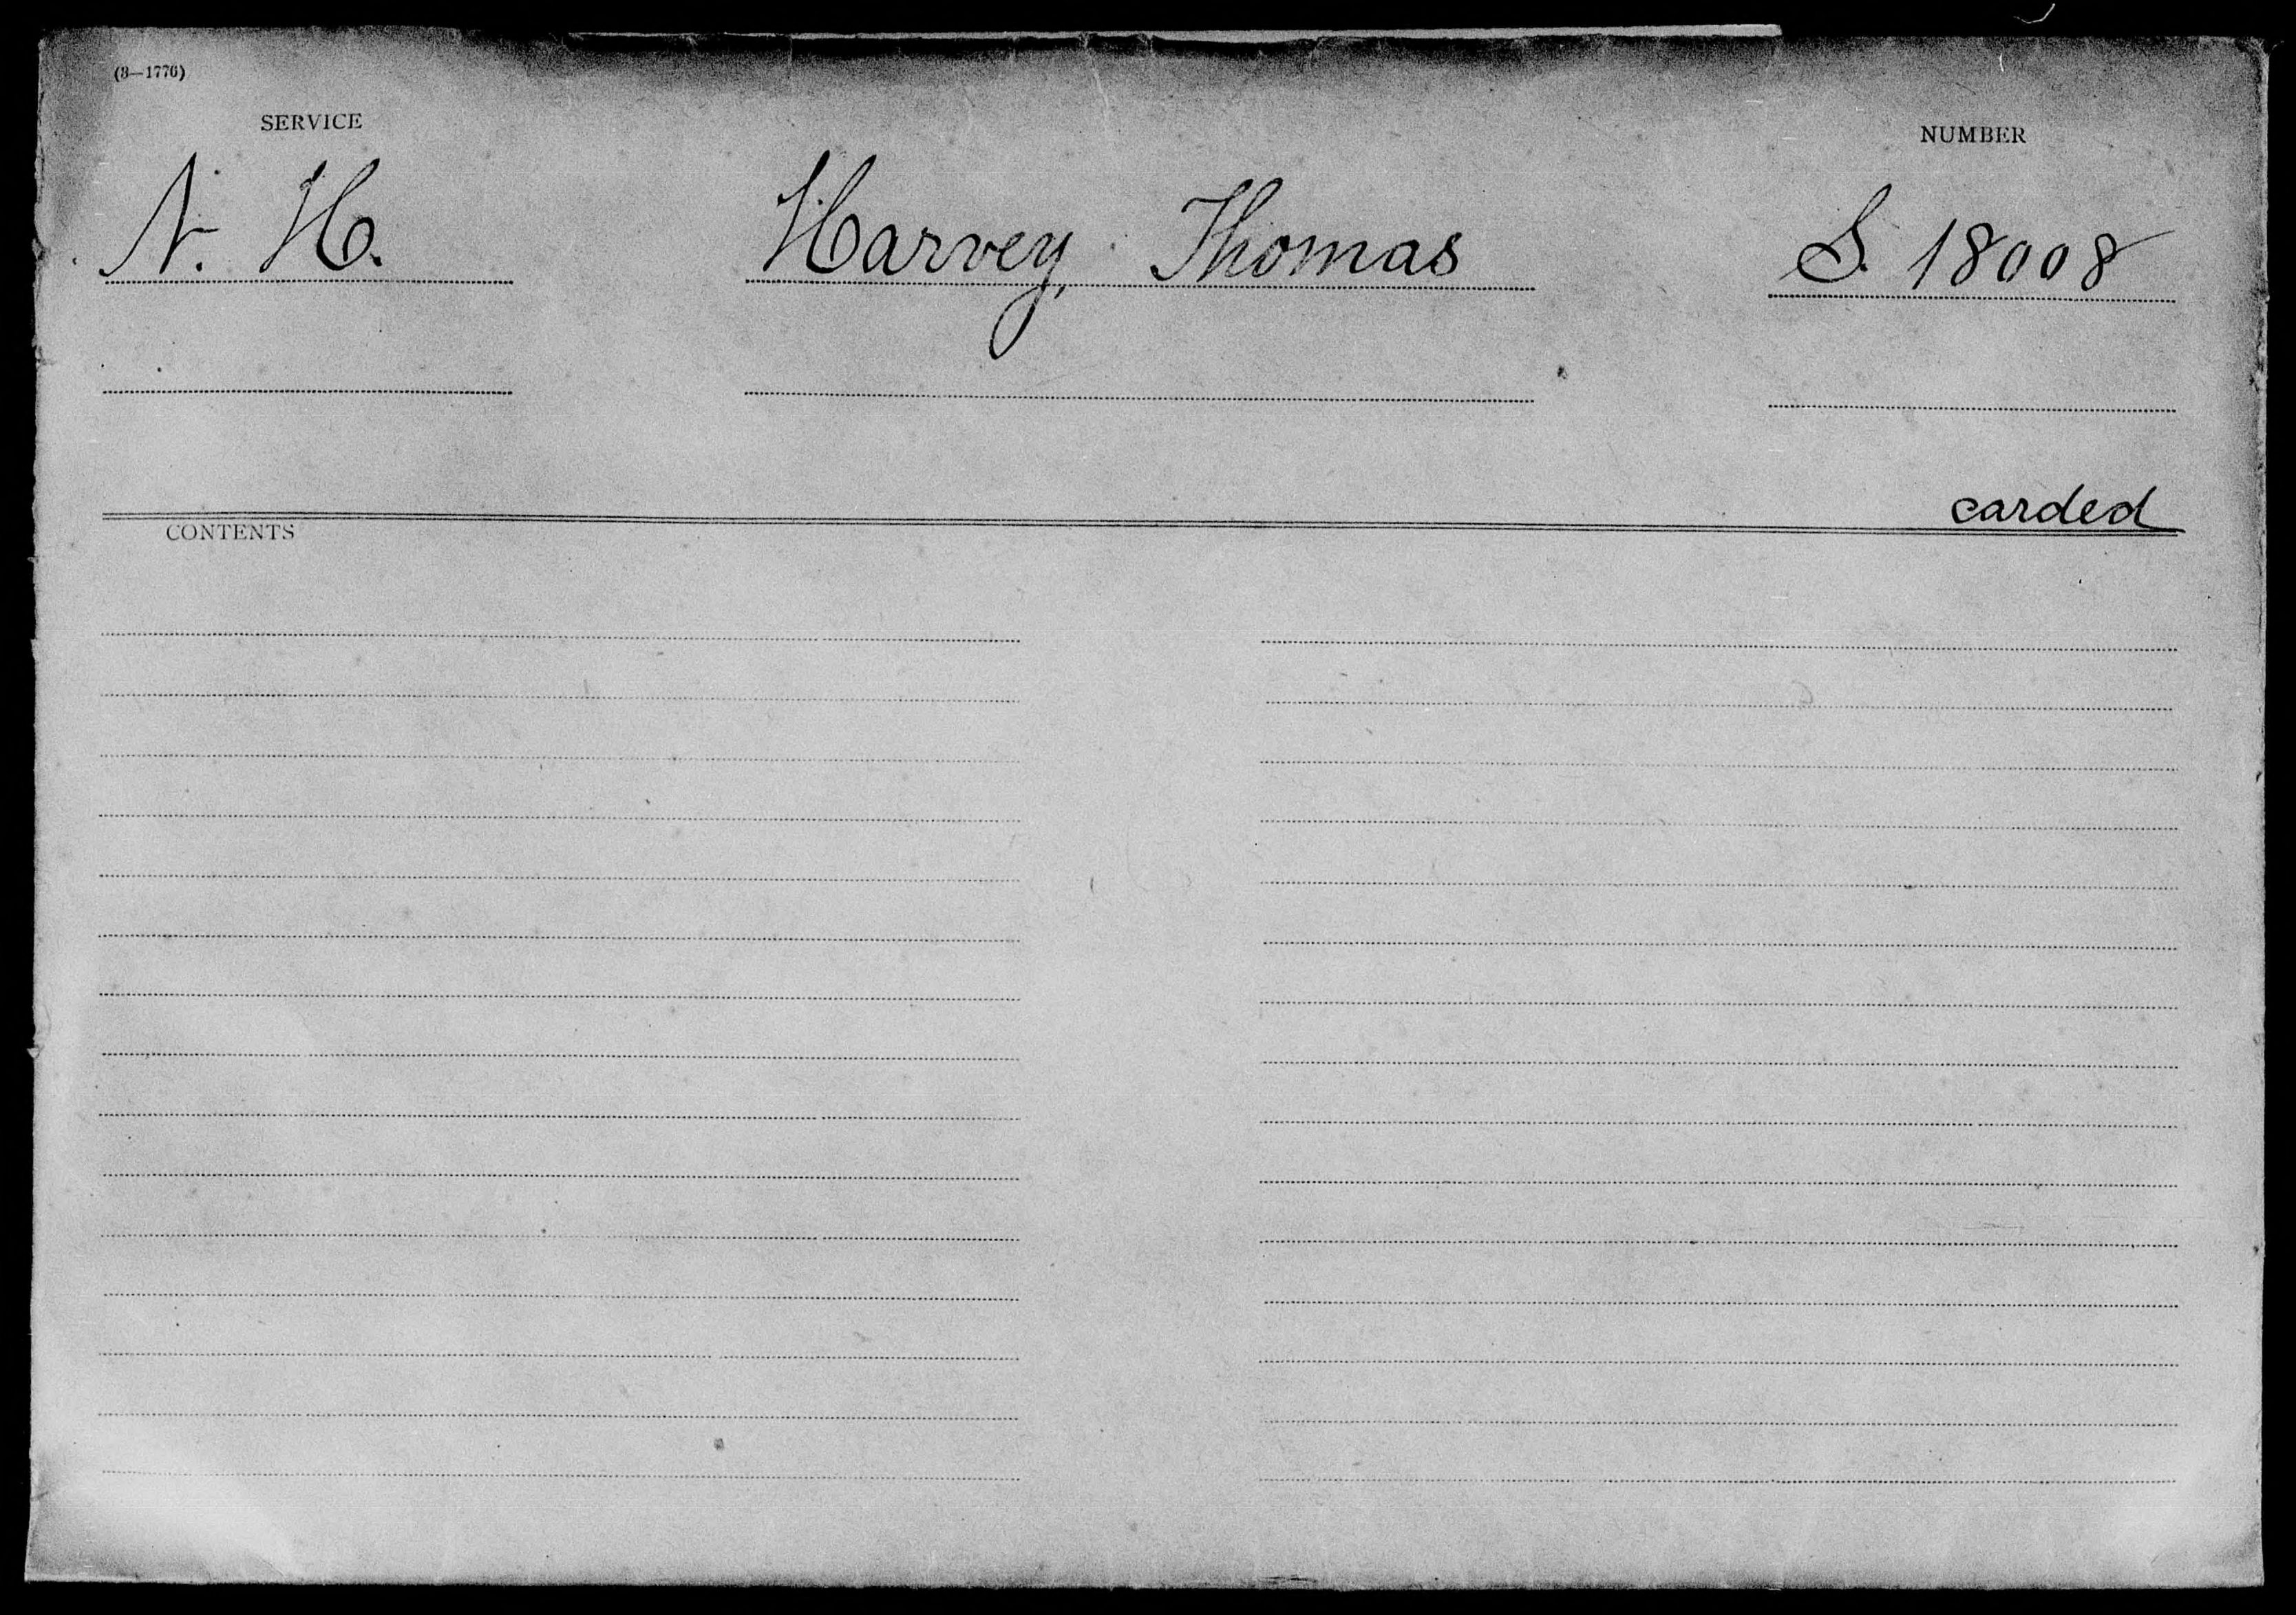(3-1776)
SERVICE|[blank]|NUMBER
N.H.|Harvey, Thomas|S. 18008
carded
CONTENTS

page: 1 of 80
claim: survivor's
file: S. 18008, Thomas Harvey, N.H.